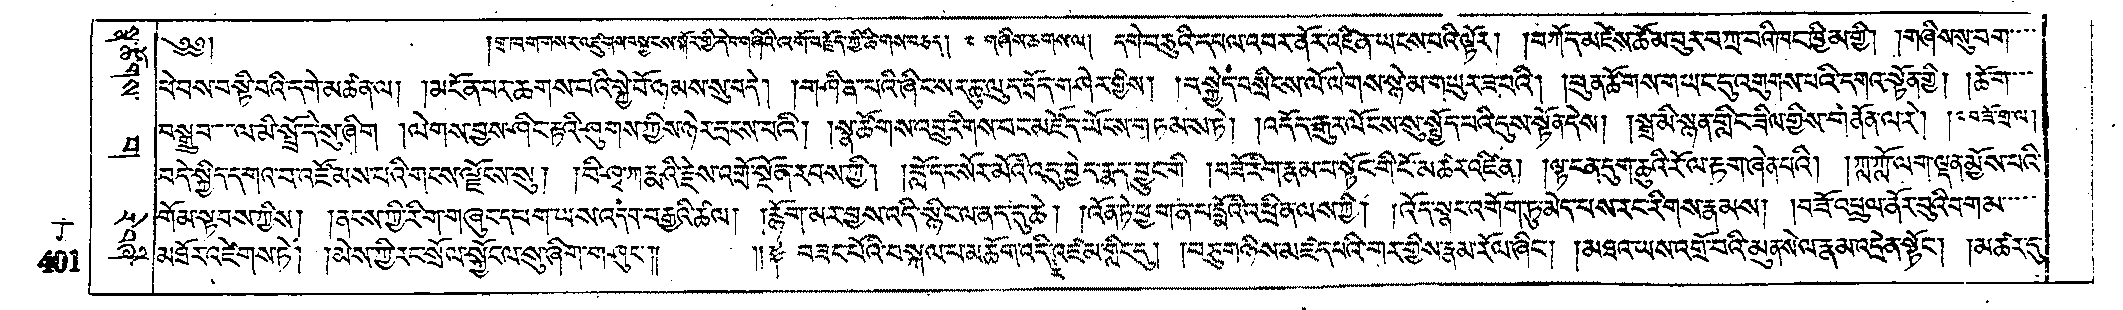༄༅། །གྲ་ཁག་གསར་འཛུགས་བསྐྱངས་སྐོར་གྱི་དེབ་གཞིའི་འགོ་བརྗོད་ཀྱི་ཚིགས་བཅད། ༧་གཞིས་ཆགས་ལ།  དགེ་བཅུའི་དཔལ་འབར་ནོར་འཛིན་ཡངས་པའི་ལྟོར། །བཀོད་མཛེས་ཚོམ་བུར་བཀྲ་བའི་ཁང་ཁྱིམ་གྱི། །གཞིས་སུ་བག་་་
ཕེབས་བསྟི་བའི་དགེ་མཚན་ལ། །མངོན་པར་ཆགས་པའི་སྐྱེ་བོ་ཉམས་སུ་བདེ། །གཤིན་པའི་ཞིང་སར་ཆུ་ལུད་དྲོད་གཤེར་གྱིས། །བསྐྱེད་བསྲིངས་ལོ་ལེགས་སྙེ་མ་གཡུར་ཟ་བའི། །ཕུན་ཚོགས་གཡང་དུ་འགུགས་པའི་དགའ་སྟོན་གྱི། །ཆོ་ག་་་
བསྒྲུབ་་་ལ་མི་སྤྲོ་དེ་སུ་ཞིག །ལེགས་བྱས་ཤིང་རྟའི་ཤུགས་ཀྱིས་ཉེར་དྲངས་པའི། །སྣ་ཚོགས་འབྲུ་རིགས་བང་མཛོད་ཡོངས་གཏམས་ཏེ། །འདོད་རྒུར་ལོངས་སུ་སྤྱོད་པའི་དུས་སྟོན་དེས། །སྒྲ་མི་སྙན་གླིང་ཟིལ་གྱིས་གནོན་ལ་རེ། །༧བཟོ་གྲ་ལ།
བདེ་སྐྱིད་དགའ་བ་འཛོམས་པའི་གངས་ལྗོངས་སུ། །བི་ཤྭ་ཀརྨའི་རྗེས་འགྲོ་སྔོན་རབས་ཀྱི། །བློ་དང་སོར་མོའི་འདུ་བྱེད་རྨད་བྱུང་གི །བཟོ་རིག་རྣམ་པ་སྟོང་གི་ངོ་མཚར་འཛིན། །ལྟ་ངན་དུག་ཆུའི་རོ་ལ་རྟག་ཞེན་པའི། །ཀླ་ཀློ་ལག་ལྡན་མྱོས་པའི་
གོམ་སྟབས་ཀྱིས། །ནངས་ཀྱི་རིག་གཞུང་དཔག་ཡས་འདབ་བརྒྱའི་ཚལ། །རྙོག་མར་བྱས་འདི་སྙིང་ལ་ནད་དུ་ཆེ། །འོན་ཏེ་ཕྱག་ན་པདམོའི་འཕྲིན་ལས་ཀྱི། །འོད་སྣང་འགོག་ཏུ་མེད་པས་རང་རིགས་རྣམས། །བཟོ་འཕྲུལ་ནོར་བུའི་བ་གམ་་་
མཐོར་འཛེགས་ཏེ། །མེས་ཀྱི་རང་སྲོལ་སྐྱོང་ལ་སུ་ཞིག་གཤུང།། །།འ་བཟང་པོའི་བསྐལ་པ་མཆོག་འདིར་འཛམ་གླིང་དུ། །བཅུ་གཉིས་མཛད་པའི་གར་གྱིས་རྣམ་རོལ་ཞིང་། །མཐའ་ཡས་འགྲོ་བའི་མུན་སེལ་རྣམ་འདྲེན་སྟོང་། །མཚར་དུ་